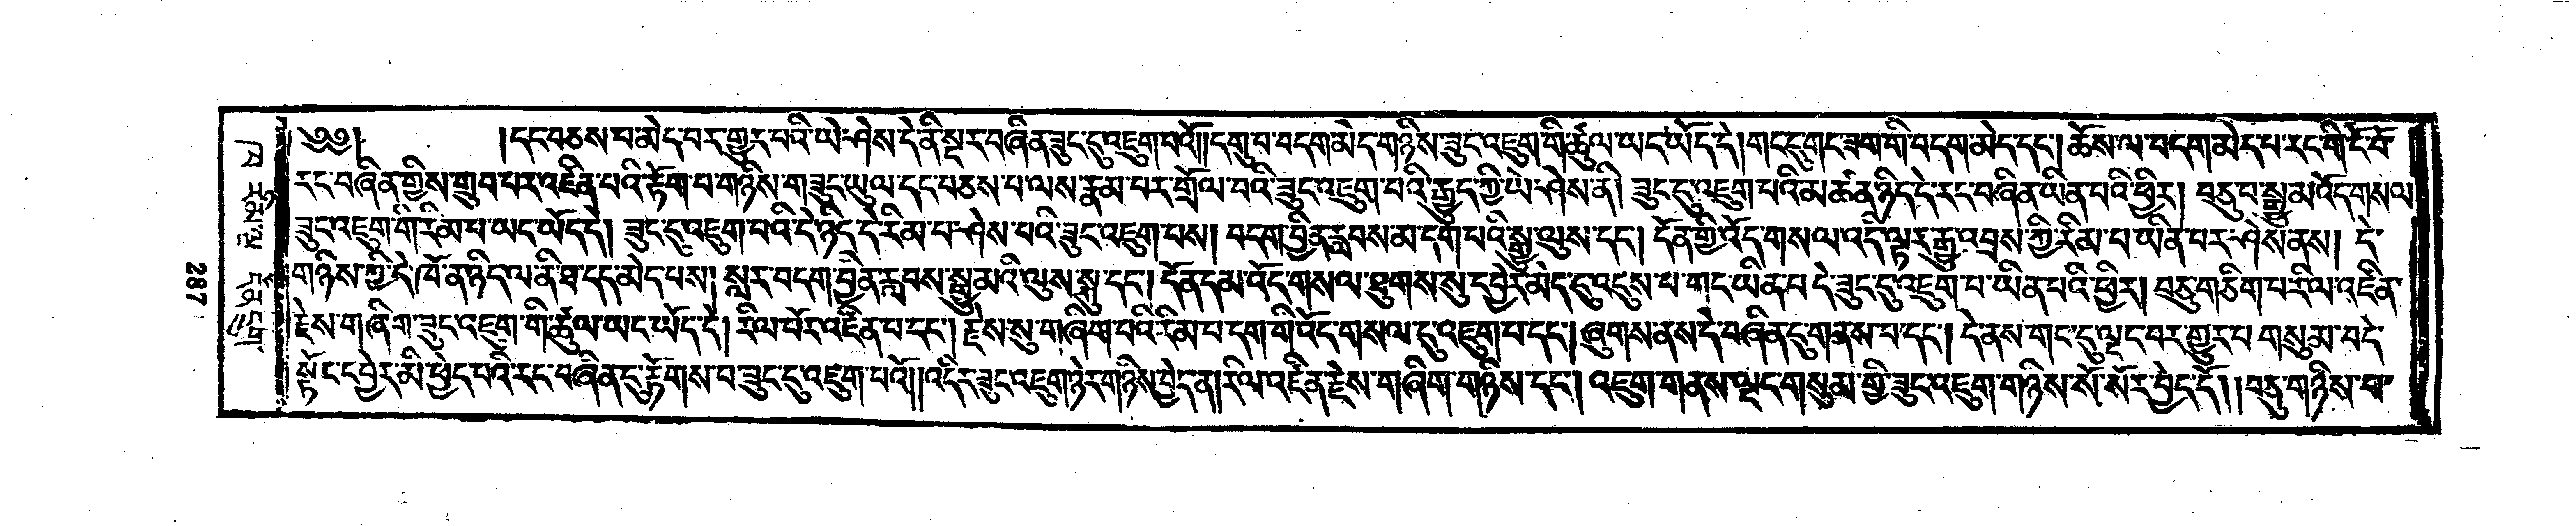༄༅། །དང་བཅས་པ་མེད་པར་གྱུར་པའི་ཡེ་ཤེས་དེ་ནི་སྔར་བཞིན་ཟུང་དུ་འཇུག་པའོ། །དགུ་པ་བདག་མེད་གཉིས་ཟུང་འཇུག་གི་ཚུལ་ཡང་ཡོད་དེ། གང་དུ་གང་ཟག་གི་བདག་མེད་དང་། ཆོས་ལ་བདག་མེད་པ་རང་གི་ངོ་བོ་
རང་བཞིན་གྱིས་གྲུབ་པར་འཛིན་པའི་རྟོག་པ་གཉིས་གཟུང་ཡུལ་དང་བཅས་པ་ལས་རྣམ་པར་གྲོལ་བའི་ཟུང་འཇུག་པའི་རྒྱུད་ཀྱི་ཡེ་ཤེས་ནི། ཟུང་དུ་འཇུག་པའི་མཚན་ཉིད་དེ་རང་བཞིན་ཡིན་པའི་ཕྱིར། བཅུ་པ་སྒྱུ་མ་འོད་གསལ་
ཟུང་འཇུག་གི་རིམ་པ་ཡང་ཡོད་དེ། ཟུང་དུ་འཇུག་པའི་དེ་ཉིད་དེ་རིམ་པ་ཤེས་པའི་ཟུང་འཇུག་པས། བདག་བྱིན་རླབས་མ་དག་པའི་སྒྱུ་ལུས་དང་། དོན་གྱི་འོད་གསལ་འདི་ལྟར་རྒྱུ་འབྲས་ཀྱི་རིམ་པ་ཡིན་པར་ཤེས་ནས། དེ་
གཉིས་ཀྱི་དེ་ཁོ་ན་ཉིད་ལ་ནི་ཐ་དད་མེད་པས། སླར་བདག་བྱིན་རླབས་སྒྱུ་མའི་ལུས་སྐུ་དང་། དོན་དམ་འོད་གསལ་ཐུགས་སུ་དབྱེར་མེད་དུ་འདུས་པ་གང་ཡིན་པ་དེ་ཟུང་དུ་འཇུག་པ་ཡིན་པའི་ཕྱིར། བཅུ་གཅིག་པ་རིལ་འཛིན་
རྗེས་གཞིག་ཟུང་འཇུག་གི་ཚུལ་ཡང་ཡོད་དེ། རིལ་པོར་འཛིན་པ་དང་། རྗེས་སུ་གཞིག་པའི་རིམ་པ་དག་གི་འོད་གསལ་དུ་འཇུག་པ་དང་། ཞུགས་ནས་དེ་བཞིན་དུ་གནས་པ་དང་། དེ་ནས་གང་དུ་ལྡང་བར་གྱུར་པ་གསུམ་བདེ་
སྟོང་དབྱེར་མི་ཕྱེད་པའི་རང་བཞིན་དུ་རྟོགས་པ་ཟུང་དུ་འཇུག་པའོ། །འདིར་ཟུང་འཇུག་ཉེར་གཉིས་བྱེད་ན། རིལ་འཛིན་རྗེས་གཞིག་གཉིས་དང་། འཇུག་གནས་ལྡང་གསུམ་གྱི་ཟུང་འཇུག་གཉིས་སོ་སོར་བྱེད་དོ། །བཅུ་གཉིས་པ་